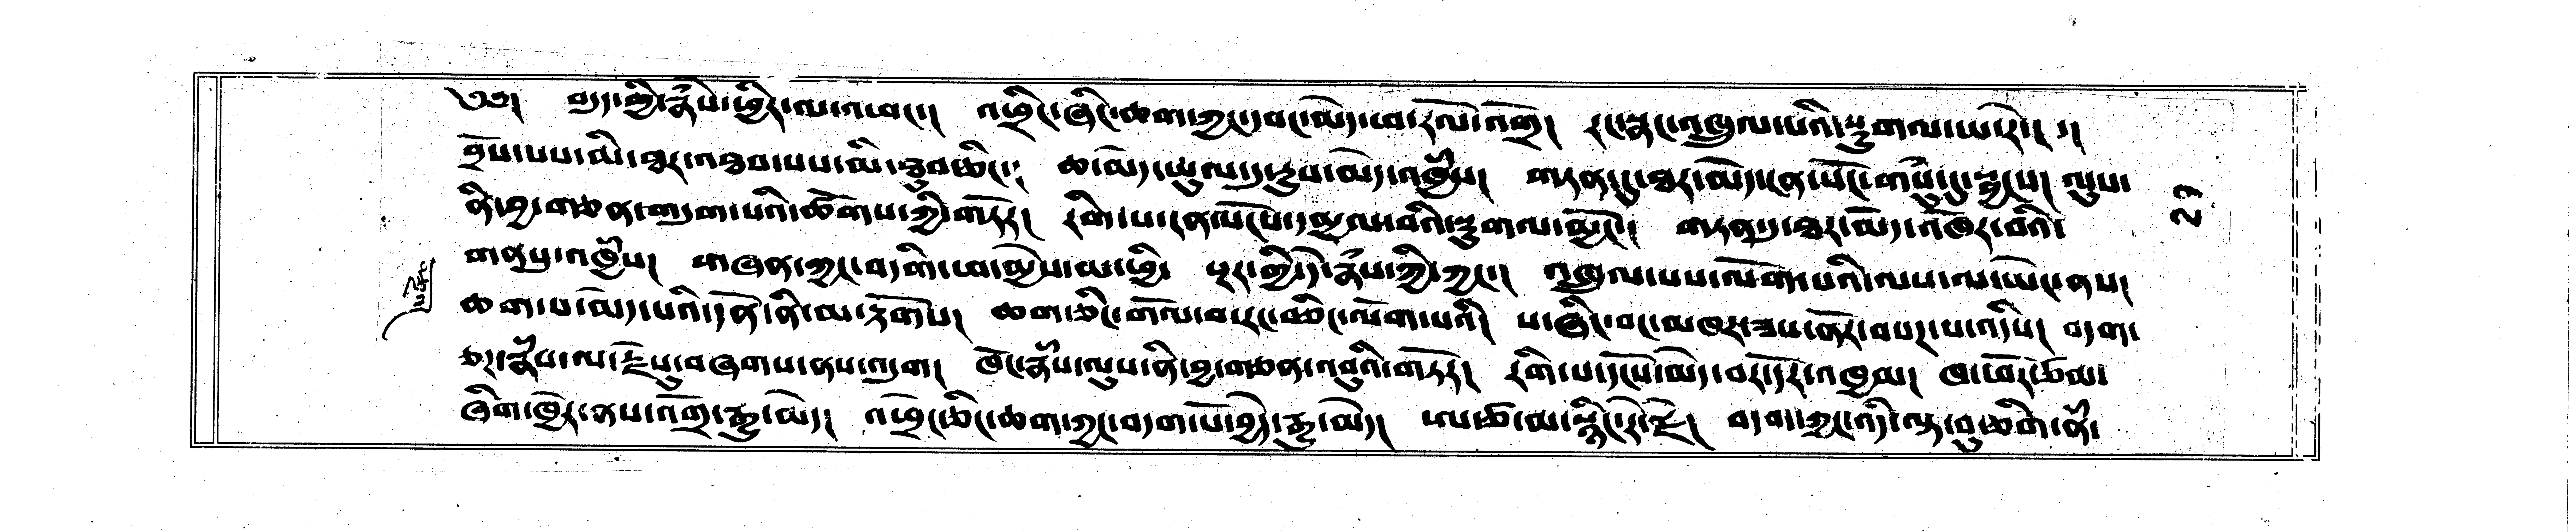བདུད་ཀྱི་རྣམས་ཕྱིར་ལ་འཕང་། འཕྲེང་ཞིང་ཆགས་ཀྱང་དབང་མེད་ཕ་རོལ་འགྲོ། རང་སྣང་འཁྲུལ་པའི་སྡུག་བསྔལ་ཡ་རེ་ང་། 
བྲོས་པར་མི་ཐར་འཐབ་པས་མི་ཐུབ་ཅིང་། ཆ་མེད་ཡུལ་དུ་རྒྱུས་མེད་འཁྱམས། གཏན་དུ་ཐར་མེད་ངན་སོང་གསུམ་དུ་སྦྱངས། ལུས་
ནི་བྱ་གཅན་གདུག་པའི་ཚོགས་ཀྱིས་གཏོར། རིག་པ་ངན་སོང་དམྱལ་བའི་སྡུག་བསྔལ་མྱོང་། གཏན་དུ་ཐར་མེད་འཁོར་བའི་
གནས་སུ་འཁྱམས། གཞན་ཀྱང་བདག་གི་ཕ་མྱེས་མ་ཕྱི་སྔར་གྱི་དེ་རྣམས་ཀྱིས་ཀྱང་། འཁྲུལ་པས་ལོག་པའི་ལས་དེ་ལ་ཡེངས་ནས།
 ཆགས་པ་མེད་པའི་དོན་ནི་མ་རྟོགས། ཆགས་ཤིང་གོལ་བ་རང་བཅིང་ལོག་པ་ཡི། ས་ཞིང་བང་མཁར་ཟས་ནོར་བསགས་པ་འདིས། བདག་
ཅག་རྣམས་ལ་རྗེས་སུ་བཞག་ནས་འདུག ཁོང་རྣམས་ལུས་ནི་བྱ་གཅན་འབུ་ཡིས་གཏོར། རིག་པ་དངོས་མེད་བར་དོར་འཁྱམས། ཁ་ཕོར་ཙམ་
ཞིག་ཁྱེར་ནས་འགྲོ་རྒྱུ་མེད། འཕྲེང་ཞིང་ཆགས་ཀྱང་བདག་པོ་བྱེད་རྒྱུ་མེད། ཨ་ཙ་མ་སྙིང་རེ་རྗེ། བདག་ཀྱང་འདི་ལྟ་བུ་ཞིག་ནམ་